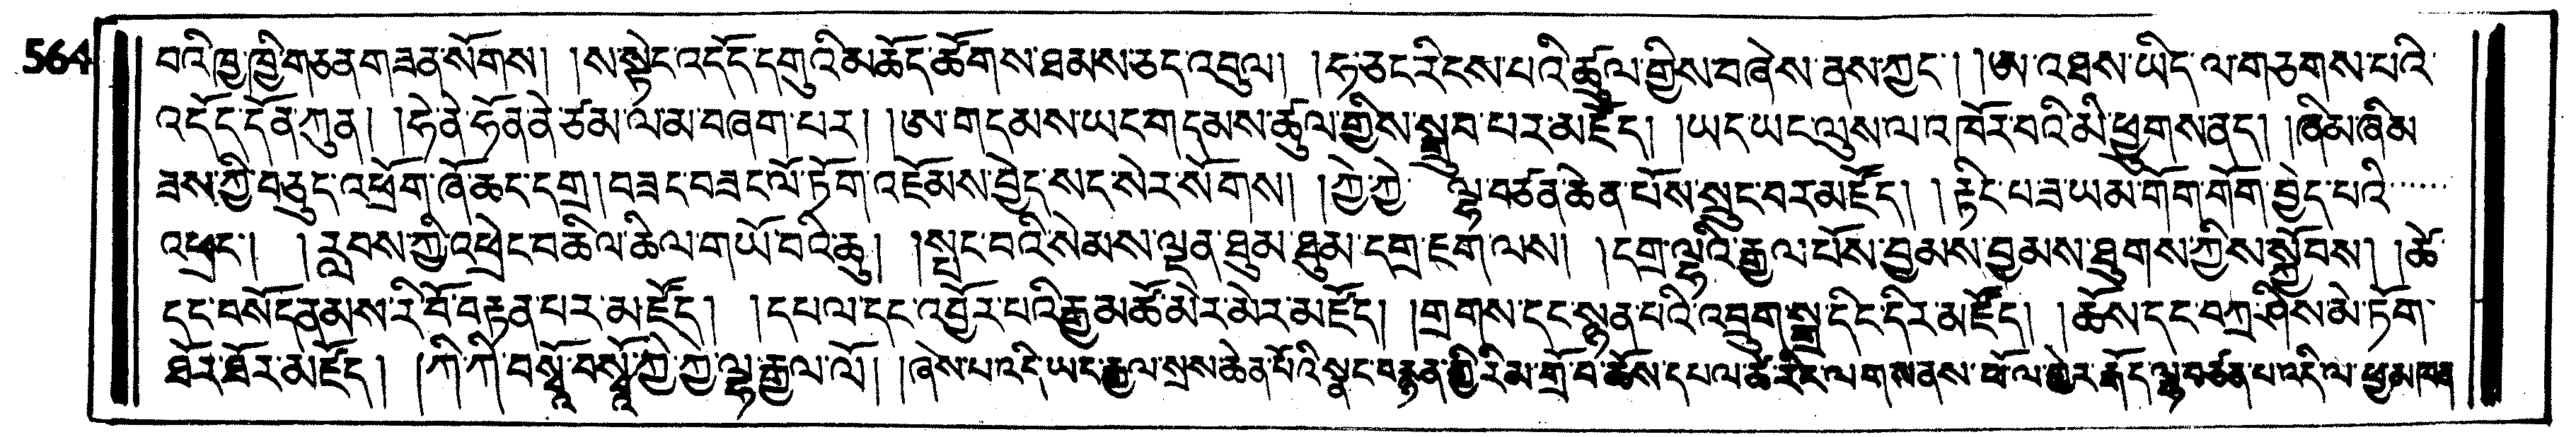བའི་ཁྱ་ཁྱི་གཅན་གཟན་སོགས། །ས་སྟེང་འདོད་དགུའི་མཆོད་ཚོགས་ཐམས་ཅད་འབུལ། །ཧ་ཅང་རིངས་པའི་ཚུལ་གྱིས་བཞེས་ནས་ཀྱང་། །ཨ་འཐས་ཡིད་ལ་གཅགས་པའི་
འདོད་དོན་ཀུན། །ཧེ་ནེ་ཧོན་ནེ་ཙམ་ལ་མ་བཞག་པར། །ཨ་གདམས་ཡང་གདམས་ཚུལ་གྱིས་སྒྲུབ་པར་མཛོད། །ཡང་ཡང་ལུས་ལ་འཁོར་བའི་མི་ཕྱུགས་ནད། །ཞིམ་ཞིམ་
ཟས་ཀྱི་བཅུད་འཕྲོག་ཞོ་ཆང་དགྲ། བཟང་བཟང་ལོ་ཏོག་འཇོམས་བྱེད་སང་སེར་སོགས། །ཀྱེ་ཀྱེ་ལྷ་བཙན་ཆེན་པོས་སྲུང་བར་མཛོད། །རྟིང་པ་ཟ་ཡ་མ་གོག་གོག་བྱེད་པའི་་་
འཕྲང་། །རླབས་ཀྱི་འཕྲེང་བ་ཆིལ་ཆིལ་གཡོ་བའི་ཆུ། །སྤང་བའི་སེམས་ལྡན་ཐུམ་ཐུམ་དགྲ་ཇག་ལས། །དགྲ་ལྷའི་རྒྱལ་པོས་བྱམས་བྱམས་ཐུགས་ཀྱིས་སྐྱོབས། །ཚེ་
དང་བསོད་ནམས་རི་བོ་བརྟན་པར་མཛོད། །དཔལ་དང་འབྱོར་པའི་རྒྱ་མཚོ་མེར་མེར་མཛོད། །གྲགས་དང་སྙན་པའི་འབྲུག་སྒྲ་དིང་དིར་མཛོད། །ཆོས་དང་བཀྲ་ཤིས་མེ་ཏོག་
ཐོར་ཐོར་མཛོད། །ཀི་ཀི་བསཝO་བསཝO་ཀྱེ་ཀྱེ་ལྷ་རྒྱལ་ལོ། །ཞེས་པ་འདི་ཡང་རྒྱལ་སྲས་ཆེན་པོའི་སྣང་བརྙན་གྱི་རིམ་གྲོ་བ་ཆོས་དཔལ་ཚེ་རིང་ལགས་ནས་ཕོ་ལ་གྱེར་རྒོད་ལྷ་བཙན་པ་འདི་ལ་ཕྱ་མཁན་